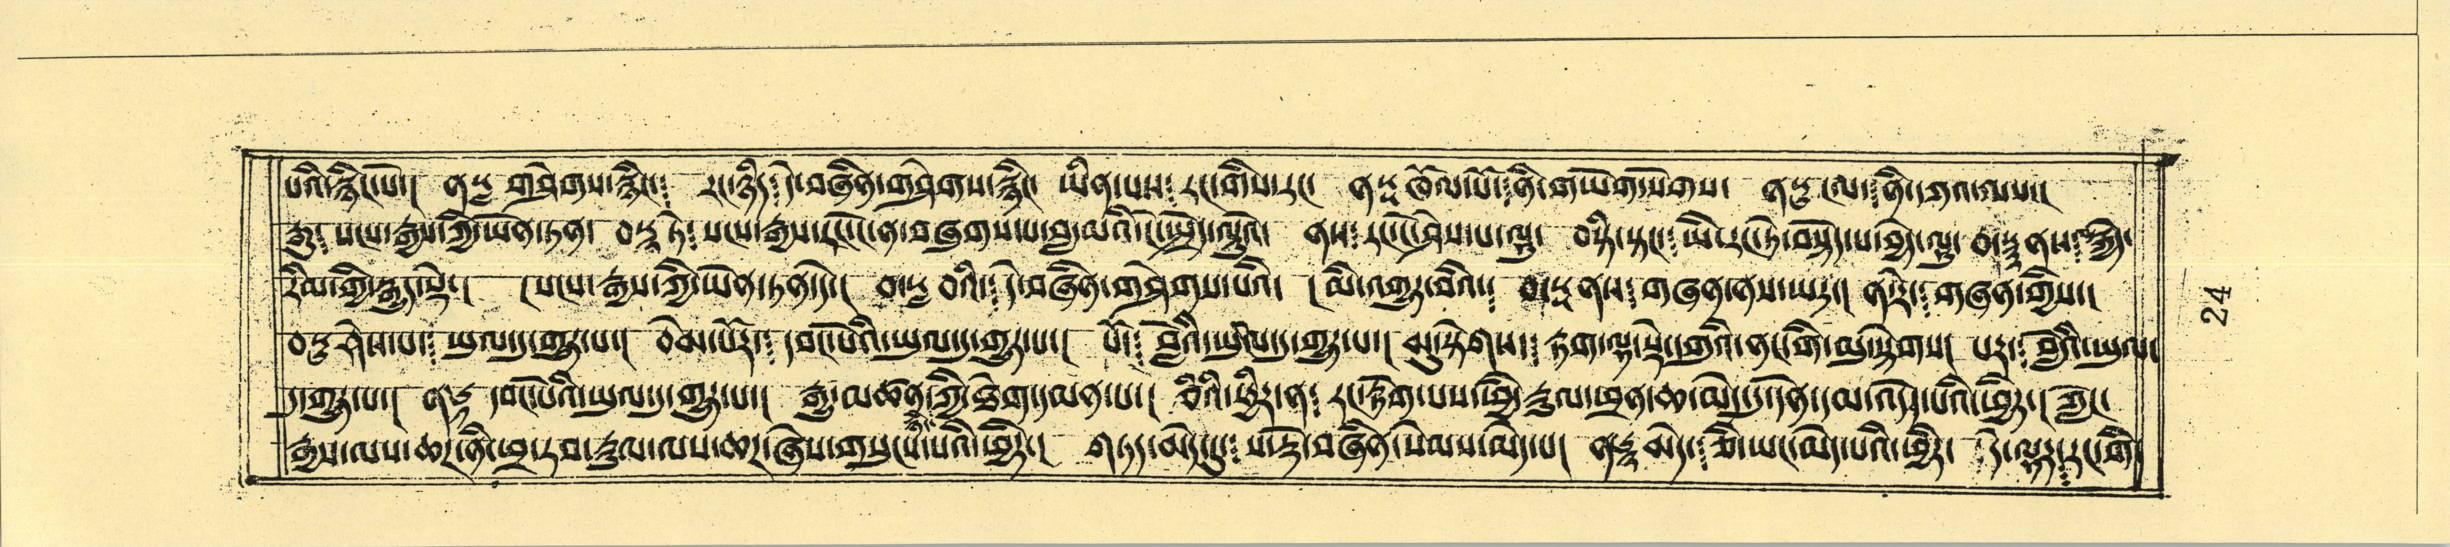པའི་སྙིང་པོ། ན༥།༤ གཤེགས་སྙིང༑ རང་ཉིད༑ དེ་བཞིན་གཤེགས་སྙིང་། ཡིན་པས་རང་གིས་རང་ན༥།༥ ཁོལ་པོ༑ ནི་གཡོག་སོགས། ན༥།༦ ངལ༑ ནི་དཀའ་ལས། 
རྒུ༑ སངས་རྒྱས་ཀྱི་ཡོན་ཏན་བ༥།༢ ཏེ༑ སངས་རྒྱས་རང་ངོ་ན་བཞུགས་པ་བླ་མའི་ངོ་སྤྲོད་ལྟ་བུའོ། ནས༑ རང་ངོ་ཤེས་པ་ལྟ་བུ། བསྟི་སྟང༑ ཡི་རང་སྟེ་བསྟོད་པ་བྱེད་ལྟ་བུ། བ༥།༣ ནས༑ བསྐྱེད་
རིམ་གྱི་རྒྱུད་སྡེ། སངས་རྒྱས་ཀྱི་ཡོན་ཏན་དེ་བ༥།༤ བའི༑ དེ་བཞིན་གཤེགས་པའི། མི་འགྱུར་བའི། བ༥།༥ ནས། གཞན་ནས་ཡར། ན་རེ༑ གཞན་གྱིས། 
བ༥།༦ ཤེས་པ༑ ཡུལ་དུ་གྱུར་པ། བེམ་པོར༑ དབང་པོའི་ཡུལ་དུ་གྱུར་པ། པོ༑ བློའི་ཡུལ་དུ་གྱུར་པ། མུ་སྟེགས༑ རྟག་ལྟ་སྡེ་དགུའི་ནང་གི་མུ་སྟེགས། པར༑ བློ་ཡི་ཡུལ་
དུ་གྱུར་པ། ན༦།༡ དབང་པོའི་ཡུལ་དུ་གྱུར་པ། རྒྱུ་མཚན་ཉིད་ཀྱི་ཐེག་དམན་པ། ཅིའི་ཕྱིར་ན། རང་རྟོགས་པས་ཕྱི་རྡུལ་ཕྲན་ཆ་མེད་དོན་དམ་དུ་འདོད་པའི་ཕྱིར། ཀློང་
རྒྱས་ལས་ཆགས་ནི་ཕྲ་རབ་རྡུལ་ལས་ཆགས། ཞེས་གསུངས་པའི་ཕྱིར། གཏད་མེད་དུ༑ ས་རྡོ་བཞིན་སེམས་མེད་པ། ན༦།༢ མེད༑ ཅི་ཡང་མེད་པའི་ཕྱིར། དེ་ལྟར་རང་གི་